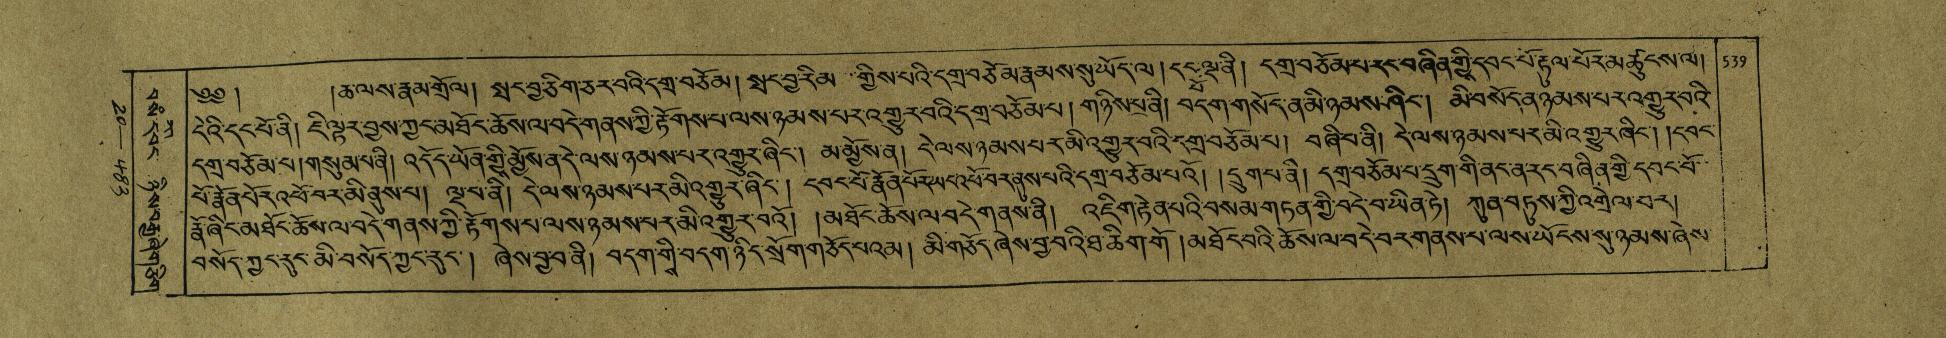༄༅། །ཆ་ལས་རྣམ་གྲོལ། སྤང་བྱ་ཅིག་ཅར་བའི་དགྲ་བཅོམ། སྤང་བྱ་རིམ་གྱིས་པའི་དགྲ་བཅོམ་རྣམས་སུ་ཡོད་ལ། དང་པོ་ལྔ་ནི། དགྲ་བཅོམ་པ་རང་བཞིན་གྱིས་དབང་པོ་རྟུལ་པོར་མཚུངས་ལ།
དེའི་དང་པོ་ནི། ཇི་ལྟར་བྱས་ཀྱང་མཐོང་ཆོས་ལ་བདེ་གནས་ཀྱི་རྟོགས་པ་ལས་ཉམས་པར་འགྱུར་བའི་དགྲ་བཅོམ་པ། གཉིས་པ་ནི། བདག་གསོད་ན་མི་ཉམས་ཤིང་། མི་བསོད་ན་ཉམས་པར་འགྱུར་བའི་
དགྲ་བཅོམ་པ། གསུམ་པ་ནི། འདོད་ཡོན་གྱིས་མྱོས་ན་དེ་ལས་ཉམས་པར་འགྱུར་ཞིང་། མ་མྱོས་ན། དེ་ལས་ཉམས་པར་མི་འགྱུར་བའི་དགྲ་བཅོམ་པ། བཞི་པ་ནི། དེ་ལས་ཉམས་པར་མི་འགྱུར་ཞིང་། །དབང་
པོ་རྣོན་པོར་འཕོ་བར་མི་ནུས་པ། ལྔ་པ་ནི། དེ་ལས་ཉམས་པར་མི་འགྱུར་ཞིང་། དབང་པོ་རྣོན་པོར་ཡང་འཕོ་བར་ནུས་པའི་དགྲ་བཅོམ་པའོ། །དྲུག་པ་ནི། དགྲ་བཅོམ་པ་དྲུག་གི་ནང་ན་རང་བཞིན་གྱི་དབང་པོ་
རྣོ་ཞིང་མཐོང་ཆོས་ལ་བདེ་གནས་ཀྱི་རྟོགས་པ་ལས་ཉམས་པར་མི་འགྱུར་བའོ། །མཐོང་ཆོས་ལ་བདེ་གནས་ནི། འཇིག་རྟེན་པའི་བསམ་གཏན་གྱི་བདེ་བ་ཡིན་ཏེ། ཀུན་བཏུས་ཀྱི་འགྲེལ་བར།
བསོད་ཀྱང་རུང་མི་བསོད་ཀྱང་རུང་། ཞེས་བྱ་བ་ནི། བདག་གིས་བདག་ཉིད་སྲོག་གཅོད་པའམ། མི་གཅོད་ཞེས་བྱ་བའི་ཐ་ཆིག་གོ །མཐོང་བའི་ཆོས་ལ་བདེ་བར་གནས་པ་ལས་ཡོངས་སུ་ཉམས་ཞེས་